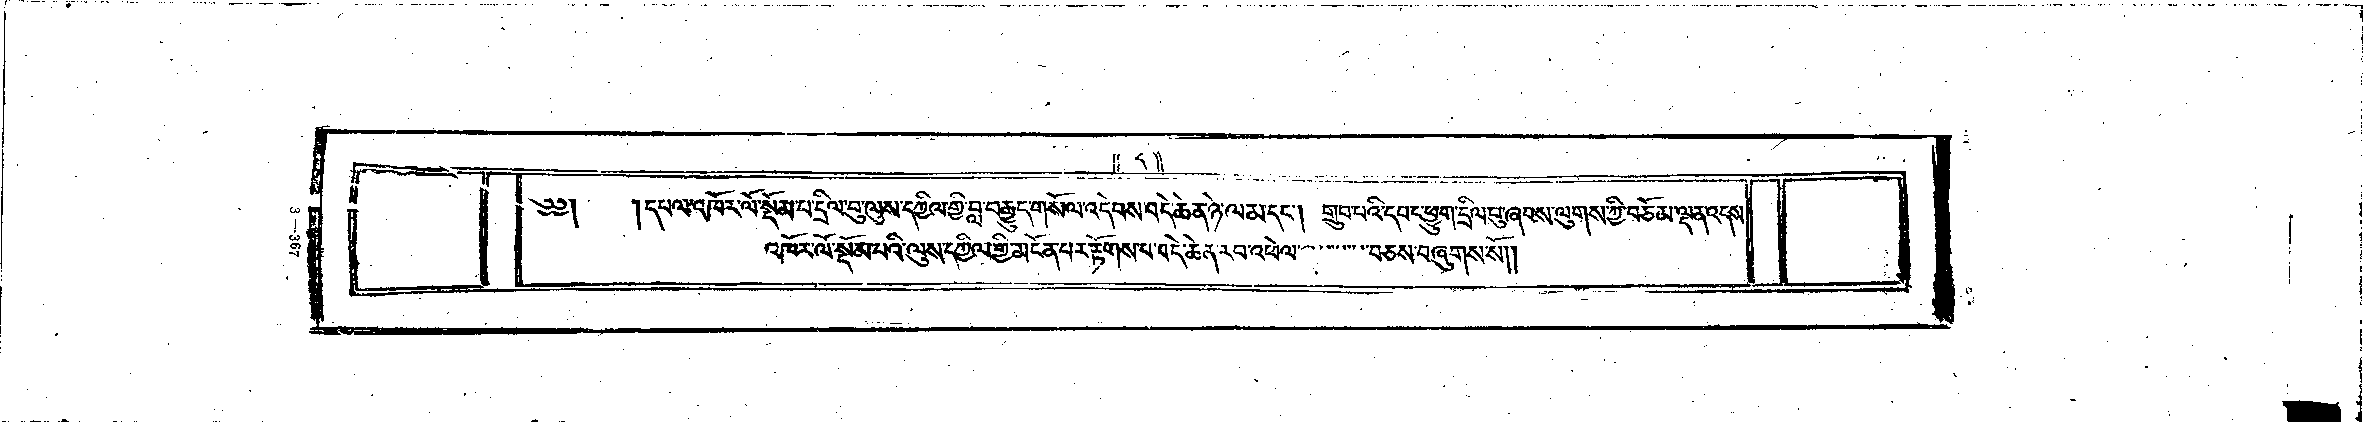།དཔལ་འཁོར་ལོ་སྡོམ་པ་དྲིལ་བུ་ལུས་དཀྱིལ་གྱི་བླ་བརྒྱུད་གསོལ་འདེབས་བདེ་ཆེན་ཉེ་ལམ་དང་། གྲུབ་པའི་དབང་ཕྱུག་དྲིལ་བུ་ཞབས་ལུགས་ཀྱི་བཅོམ་ལྡན་འདས་
འཁོར་ལོ་སྡོམ་པའི་ལུས་དཀྱིལ་གྱི་མངོན་པར་རྟོགས་པ་བདེ་ཆེན་རབ་འཕེལ་བཅས་བཞུགས་སོ།།